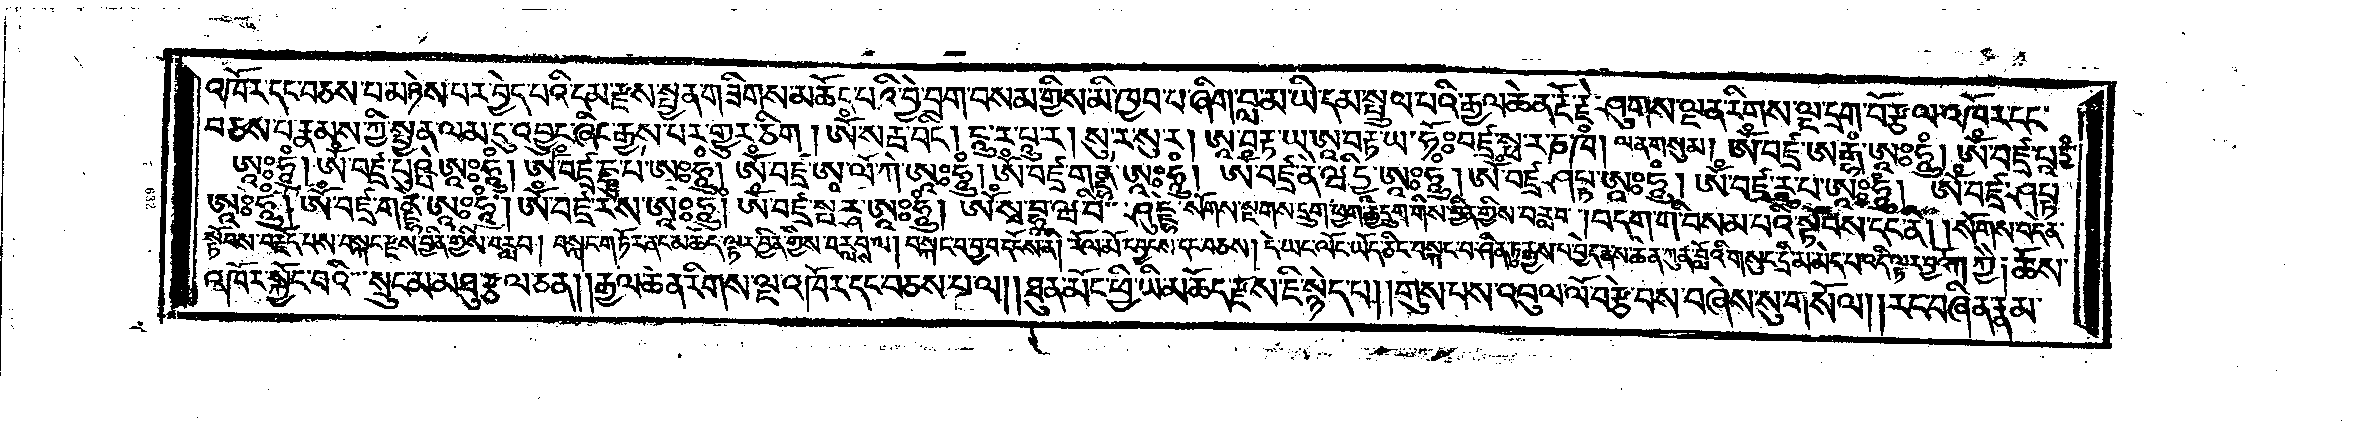འཁོར་དང་བཅས་པ་མཉེས་པར་བྱེད་པའི་དམ་རྫས་སྤྱན་གཟིགས་མཆོད་པའི་བྱེ་བྲག་བསམ་གྱིས་མི་ཁྱབ་བ་ཞིག་བླ་མ་ཡི་དམ་སྤྲུལ་པའི་རྒྱལ་ཆེན་རྡོ་རྗེ་ཤུས་ལྡན་རིགས་ལྔ་དྲག་པོ་རྩལ་འཁོར་དང་
བཅས་པ་རྣམས་ཀྱི་སྤྱན་ལམ་དུ་འབྱུང་ཞིང་རྒྱས་པར་གྱུར་ཅིག །ཨོཾ་སརྦ་བིད། པཱུ་ར་པཱུ་ར། སུ་ར་སུ་ར། ཨཱ་བརྟ་ཡ་ཨཱ་བརྟ་ཡ་ཧོཿ བཛྲ་སྥ་ར་ཎ་ཁཾ། ལན་གསུམ།  ཨོཾ་བཛྲ་ཨརྒྷཾ་ཨཱཿ ཧཱུཾ། ཨོཾ་བཛྲ་པཱ་དྱཾ་
ཨཱཿ ཧཱུཾ། ཨོཾ་བཛྲ་པུཥྤེ་ཨཱཿ ཧཱུཾ། ཨོཾ་བཛྲ་དྷཱུ་པེ་ཨཱཿ ཧཱུཾ། ཨོཾ་བཛྲ་ཨ྾་ལོ་ཀེ་ཨཱ་H ཧཱུཾ། ཨོཾ་བཛྲ་གནྡྷེ་ཨཱཿ ཧཱུཾ། ཨོཾ་བཛྲ་ནཻ་ཝ་དྱཱི་ཨཱཿ ཧཱུཾ། ཨོཾ་བཛྲ་ཤཔྟ་ཨཱཿ ཧཱུཾ། ཨོཾ་བཛྲ་རཱུ་པ་ཨཱཿ ཧཱུཾ། ཨོཾ་བཛྲ་ཤཔྟ་
ཨཱུཿ ཧཱུཾ། ཨོཾ་བཛྲ་གནྡྷེ་ཨཱཿ ཧཱུཾ། ཨོཾ་བཛྲ་ཝ་ར་ས་ཨཱཿ ཧཱུཾ། ཨོཾ་བཛྲ་སྤ་རྵ་ཨཱཿ ཧཱུཾ། ཨོཾ་སྭ་བྷཱ་ཝ་བི་ཤུདྡྷེ་སོགས་སྔགས་དྲུག་ཕྱག་གྱི་དྲུག་གིས་བྱིན་གྱིས་བརླབ།  བདག་གི་བསམ་པའི་སྟོབས་དང་ནི། །སོགས་བདེན་
སྟོབས་བརྗོད་པས་བསྐབ་རྫས་བྱིན་གྱིས་བརླབ། བསྐང་གཏོར་ནང་མཆོད་ལྟར་བྱིན་གྱིས་བརླབས་ལ། བསྐང་བ་བྱ་བ་དང་པོ་ནི། རོལ་མོ་དབང་དང་བཅས། དེ་ཡང་ལོང་ཡོད་ཅིང་བསྐང་པ་ཤིན་ཏུ་རྒྱས་པ་བྱེད་ནས་ཆེན་ཀུན་བློའི་གསུང་དྲི་མ་མེད་པ་འདི་ལྟར་བྱའོ། ཀྱཻ་ཆོས་
འཁོར་སྐྱོང་བའི་སྲུང་མ་མཐུ་རྩལ་ཅན། །རྒྱལ་ཆེན་རིགས་ལྔ་འཁོར་དང་བཅས་པ་ལ། །ཐུན་མོང་ཕྱི་ཡི་མཆོད་རྫས་ཇི་སྙེད་པ། །གུས་པས་འབུལ་ལོ་བརྩེ་བས་བཞེས་སུ་གསོལ། །རང་བཞིན་རྣམ་